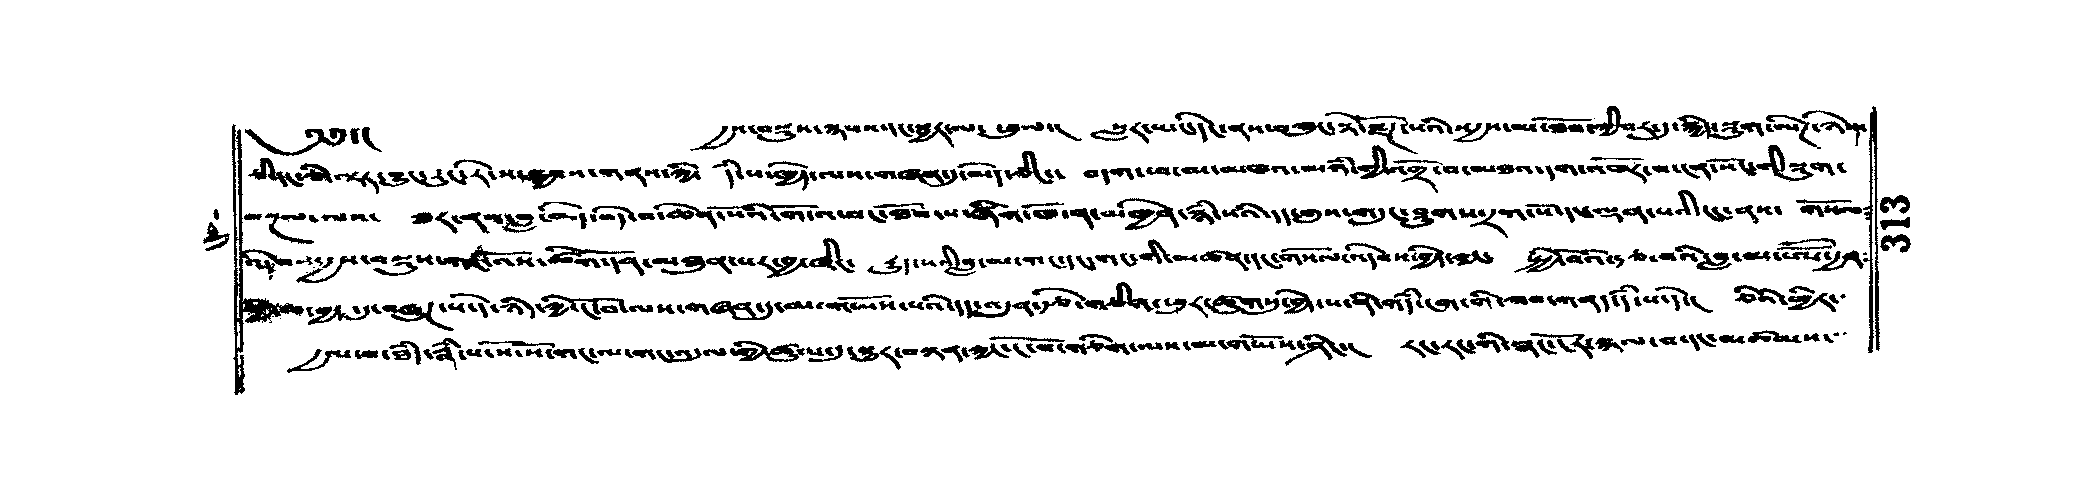རྒྱས་བསྡུས་སྐབས་དང་སྦྱར་ལ་ཕུལ། སླར་ཡང་དེང་ནས་བཟུང་སྟེ་རྫོགས་པའི་སངས་རྒྱས་མ་ཐོབ་ཀྱི་བར་དུ་སྐྱིད་སྡུག་ལེགས་ཉེས་
ཅི་དང་ཅི་ལྟར་བྱུང་རུང་རེ་ས་སྐྱབས་གནས་ཀྱི་དམ་པ་ཁྱེད་ལས་གཞན་དུ་མེད་ཅིང་། བདག་གཞན་ཕ་མ་མཁན་མཉམ་གྱི་འགྲོ་བ་མཐའ་དག་འཁོར་བ་ངན་སོང་ནི་སྡུག་
བསྔལ་ལས་ཐར་ནས་བླ་མེད་བདེ་བདེ་བ་བླ་མདོ་བདེ་བ་ཆེན་པོའི་གོ་འཕང་ཐོབ་པ་ཞིག་ཁོ་ན་མཁྱེནསྙམ་པའི་དད་གུས་གདུང་ཤུགས་དྲག་པོ་དང་ལྡན་པའི་ངང་ནས། གསོལ་
བདེབས་རྒྱས་བསྡུས་གང་འོས་་ཚིག་དོན་མཐུན་པར་བྱ་ཞིང་། བརྒྱུད་པའི་བླ་མ་གང་དང་གང་གི་མཚན་དང་གསོལ་འདེབས་བྱེད་ཀྱང་། སྤྱི་བོའི་རྩ་བའི་བླ་མ་ཨོ་རྒྱན་
ཆེན་པོའི་ཆ་བྱད་དུ་བཞུགས་པ་དེ་ཉིད་ཀྱི་ངོ་བོ་ལས་གཞན་དུ་མ་གཡོས་པའི་དད་འདུན་རྩེ་གཅིག་ཕུར་ཚུགས་སུ་བྱེད་པ་ནི་གདམས་ངག་གི་ཟབ་གནད་དམ་པ་དེ། ཅིའི་ཕྱིར་
རྒྱལ་བ་ཐམས་ཅད་རྣམ་པ་སོ་སོ་གང་ལ་གང་འདུལ་གྱི་ཚུལ་དུ་སྐུར་བསྟན་ཀྱང་ངོ་བོ་གཅིག་ལས་མ་གཡོས་ཤིང་། རང་རང་གི་སྣང་ངོར་སྐལ་བ་དང་འཚམས་